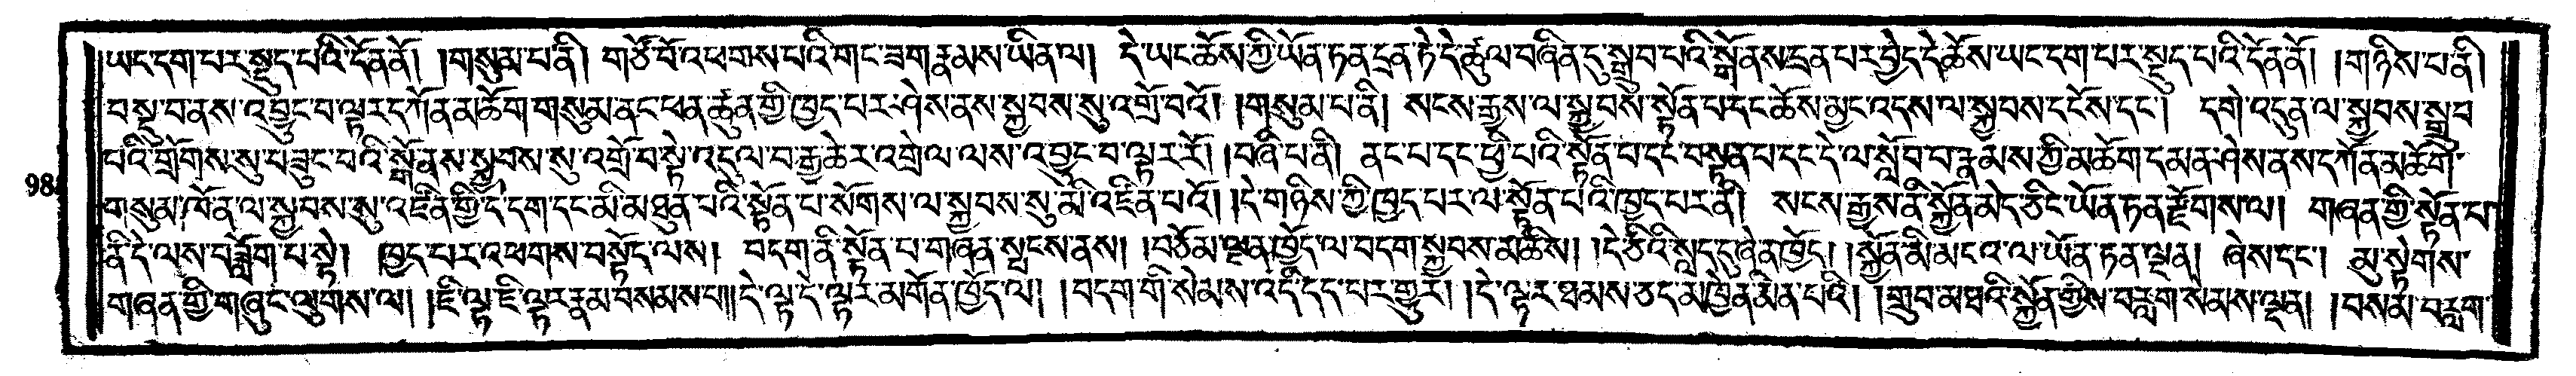ཡང་དག་པར་སྡུད་པའི་དོན་ནོ། །གསུམ་པ་ནི། གཙོ་བོ་འཕགས་པའི་གང་ཟག་རྣམས་ཡིན་ལ། དེ་ཡང་ཆོས་ཀྱི་ཡོན་ཏན་དྲན་ཏེ་དེ་ཚུལ་བཞིན་དུ་སྒྲུབ་པའི་སྒོ་ནས་དྲན་པར་བྱེད་དེ་ཆོས་ཡང་དག་པར་སྡུད་པའི་དོན་ནོ། །གཉིས་པ་ནི།
བསྡུ་པ་ནས་འབྱུང་བ་ལྟར་དཀོན་མཆོག་གསུམ་ནང་ཕན་ཚུན་གྱི་ཁྱད་པར་ཤེས་ནས་སྐྱབས་སུ་འགྲོ་བའོ། །གསུམ་པ་ནི། སངས་རྒྱས་ལ་སྐྱབས་སྟོན་པ་དང་ཆོས་མྱང་འདས་ལ་སྐྱབས་དངོས་དང་། དགེ་འདུན་ལ་སྐྱབས་སྒྲུབ་
པའི་གྲོགས་སུ་བཟུང་བའི་སྒོ་ནས་སྐྱབས་སུ་འགྲོ་པ་སྟེ་འདུལ་བ་རྒྱ་ཆེར་འགྲེལ་ལས་འབྱུང་བ་ལྟར་རོ། །བཞི་པ་ནི། ནང་པ་དང་ཕྱི་པའི་སྟོན་པ་དང་བསྟན་པ་དང་དེ་ལ་སློབ་བ་རྣམས་ཀྱི་མཆོག་དམན་ཤེས་ནས་དཀོན་མཆོག་
གསུམ་ཁོ་ན་ལ་སྐྱབས་སུ་འཛིན་གྱི་དེ་དག་དང་མི་མཐུན་པའི་སྟོན་པ་སོགས་ལ་སྐྱབས་སུ་མི་འཛིན་པའོ། །དེ་གཉིས་ཀྱི་ཁྱད་པར་ལ་སྟོན་པའི་ཁྱད་པར་ནི། སངས་རྒྱས་ནི་སྐྱོན་མེད་ཅིང་ཡོན་ཏན་རྫོགས་ལ། གཞན་གྱི་སྟོན་པ་
ནི་དེ་ལས་བཟློག་པ་སྟེ། ཁྱད་པར་འཕགས་བསྟོད་ལས། བདག་ནི་སྟོན་པ་གཞན་སྤངས་ནས། །བཅོམ་ལྡན་ཁྱོད་ལ་བདག་སྐྱབས་མཆིས། །དེ་ཅིའི་སླད་དུ་ཞེ་ན་ཁྱོད། །སྐྱོན་མི་མངའ་ལ་ཡོན་ཏན་ལྡན། ཞེས་དང་།མུ་སྟེགས་
གཞན་གྱི་གཞུང་ལུགས་ལ། །ཇི་ལྟ་ཇི་ལྟར་རྣམ་བསམས་པ།།དེ་ལྟ་དེ་ལྟར་མགོན་ཁྱོད་ལ། །བདག་གི་སེམས་འདི་དད་པར་གྱུར། །དེ་ལྟར་ཐམས་ཅད་མཁྱེན་མིན་པའི། །གྲུབ་མཐའི་སྐྱོན་གྱིས་བརླག་སེམས་ལྡན། །བསམ་བརླག་